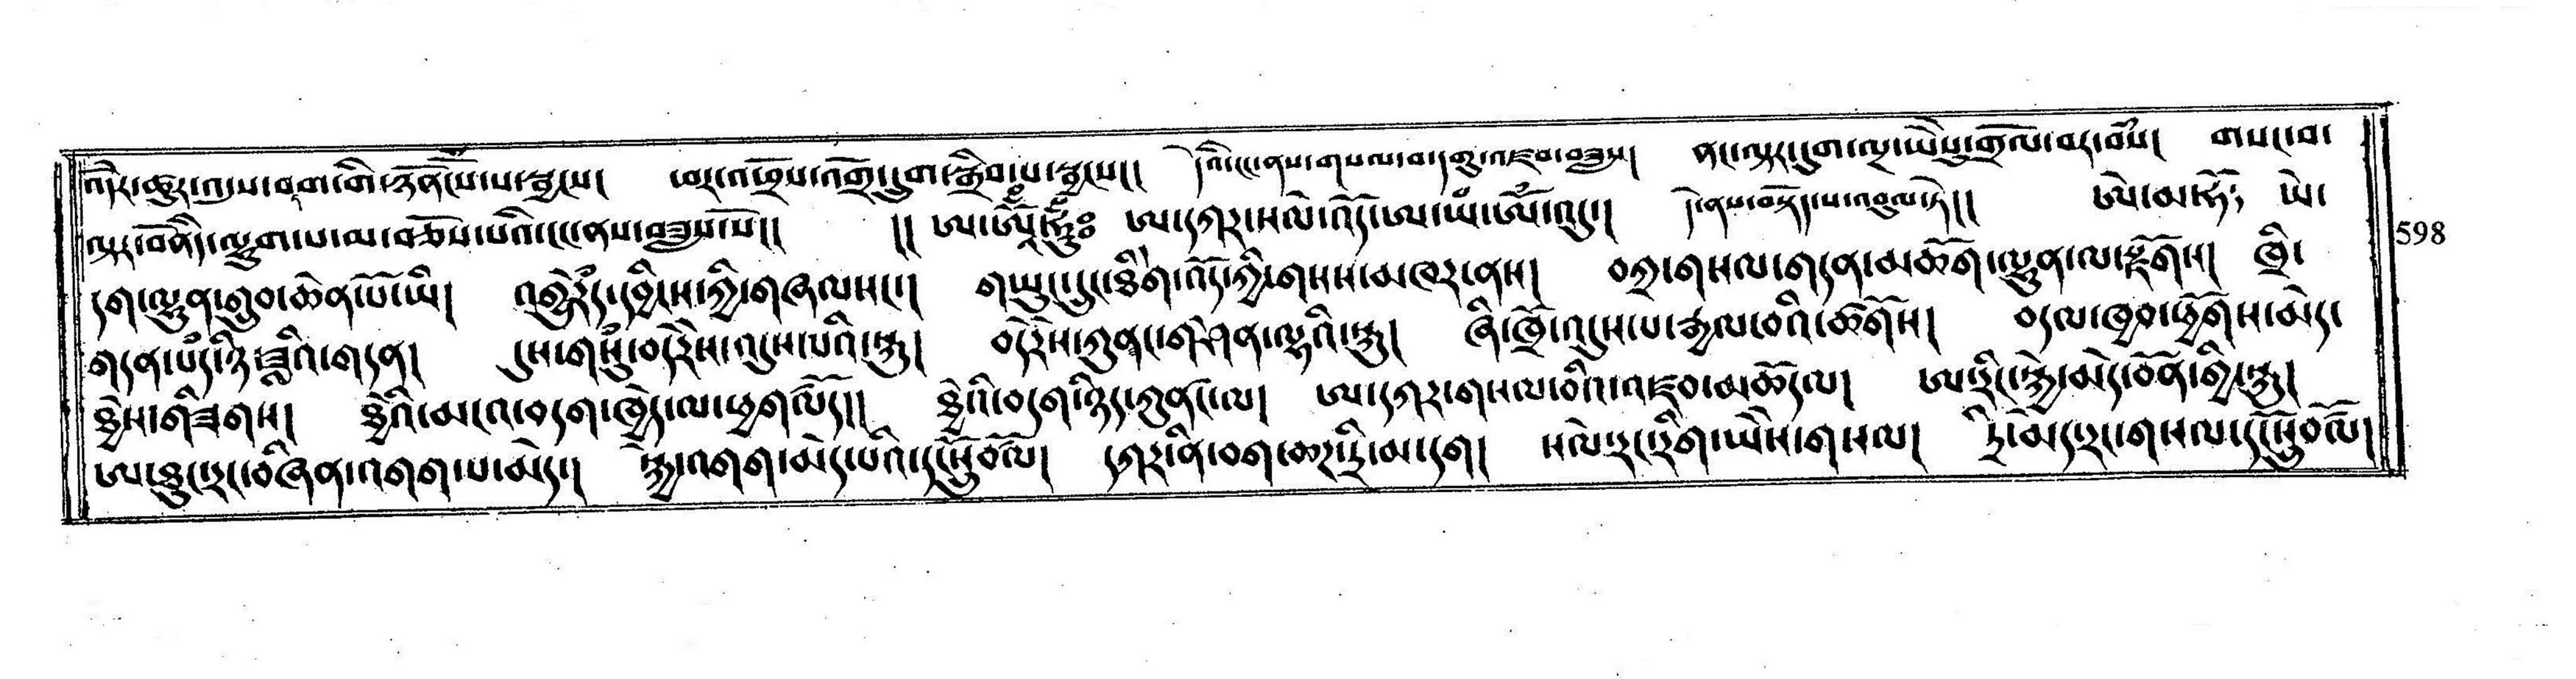འོད་ཟེར་ཚུར་འདུས་བདག་གི་ཉོན་མོངས་པ་སྦྱངས། ཕར་འཕྲོས་འགྲོ་དྲུག་སྒྲིབ་པ་སྦྱངས།། དེའི་ངང་ནས་གསལ་བ་དགུ་འཛབ་བཟླས། ནང་ལྟར་དུག་ལྔ་ཡེ་ཤེས་སུ་གྲོལ་བར་བསམ། གསང་བ་
ལྟར་བོན་ཉིད་ལྷུག་པ་མ་བཅོས་པའི་ངང་ནས་བཟླས་སོ།། །།ཨ་ཨཱོཾ་ཧཱུྃཿ ཨ་དཀར་སལེ་འོད་ཨ་ཡཾ་ཨོཾ་འདུ། དེ་ནས་བསྟོད་པ་འབུལ་ཏེ།། ཨེ་མ་ཧོ། ཡེ་
དག་ལྷུན་གྲུབ་ཆེན་པོ་ཡི། འགྱུར་མེད་དབྱིངས་ཀྱི་གཞལ་ཡས་ཁང་། གཡུང་དྲུང་ཐིག་ལེ་འོད་ཀྱི་གསས་མཁར་ནས། བཀྲ་གསལ་གདན་མཆོག་ལྷུན་ལ་རྫོགས། ཁྲི་
གདན་པད་མ་ཉི་ཟླའི་གདན། དུས་གསུམ་བདེར་གཤེགས་འདུས་པའི་སྐུ། བདེར་གཤེགས་ཀུན་བཟང་གཤེན་ལྷའི་སྐུ། ཞི་ཁྲོ་འདུས་པ་རྒྱལ་བའི་ཚོགས། བདལ་ཁྱབ་ཕྱོགས་མེད་
ཐུགས་རྗེ་གཟིགས། ཐུགས་རྗེའི་མངའ་བདག་ཁྱེད་ལ་ཕྱག་འཚལ་བསྟོད། ཐུགས་རྗེའི་བདག་ཉིད་ཀུན་བཟང་ལ། ཨ་དཀར་གསལ་བའི་འཛབ་མཆོདལ། ཨ་རིང་སྐྱེ་མེད་བོན་གྱི་སྐུ། 
ཨ་ཐུང་རང་བཞིན་འགག་པ་མེད། སྐྱེ་འགག་མེད་པའི་དངོས་གྲུབ་སྩོལ། དཀར་ནི་བག་ཆགས་དྲི་མ་དག སལེ་རང་རིག་ཡེ་ཤེས་གསལ། དྲི་མེད་རང་གསལ་དངོས་གྲུབ་སྩོལ།